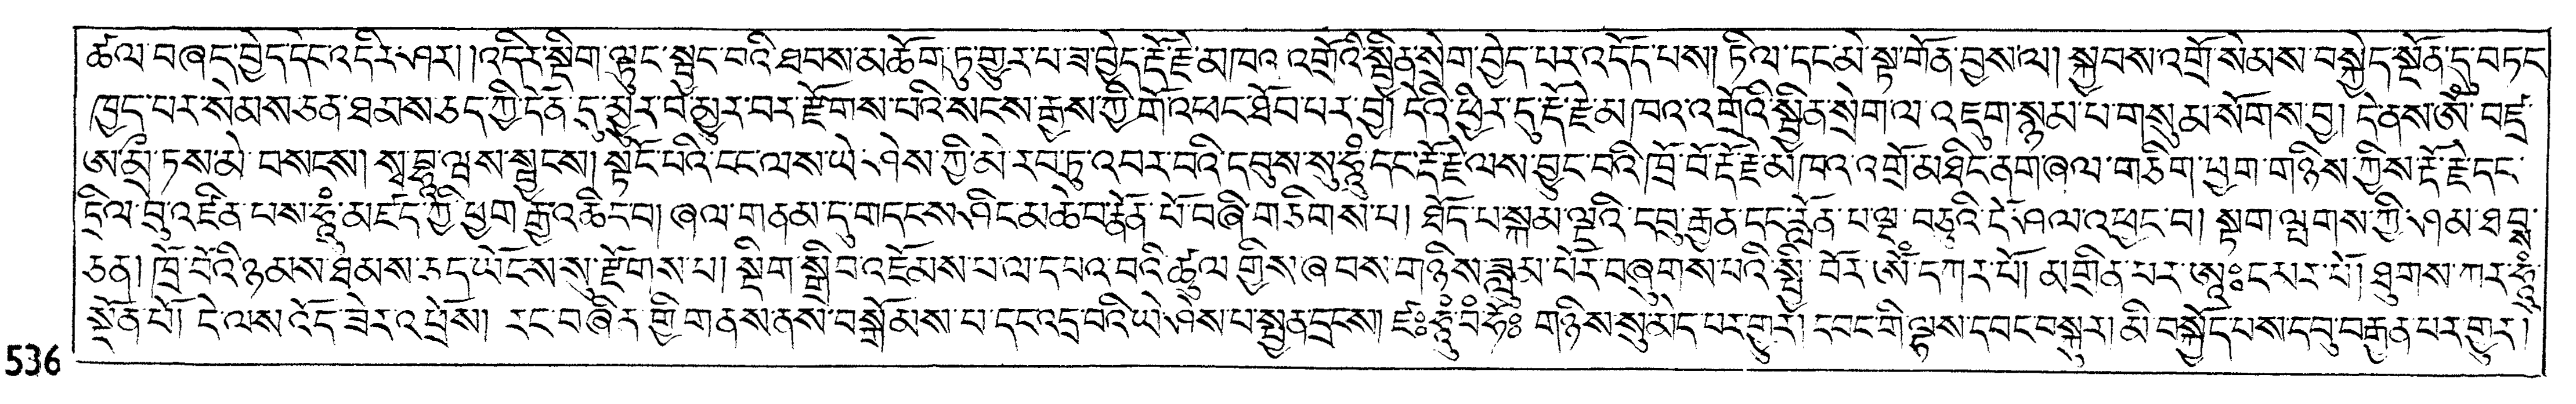ཚལ་བཞད་བྱེད་དེང་འདིར་ཤར། །འདིར་སྡིག་ལྟུང་སྦྱང་བའི་ཐབས་མཆོག་ཏུ་གྱུར་པ་ཟ་བྱེད་རྡོ་རྗེ་མཁའ་འགྲོའི་སྦྱིན་སྲེག་བྱེད་པར་འདོད་པས། ཏིལ་དང་མེ་སྟ་གོན་བྱས་ལ། སྐྱབས་འགྲོ་སེམས་བསྐྱེད་སྔོན་དུ་བཏང་
ཁྱད་པར་སེམས་ཅན་ཐམས་ཅད་ཀྱི་དོན་དུ་མྱུར་བ་མྱུར་བར་རྫོགས་པའི་སངས་རྒྱས་ཀྱི་གོ་འཕང་ཐོབ་པར་བྱ། དེའི་ཕྱིར་དུ་རྡོ་རྗེ་མཁའ་འགྲོའི་སྦྱིན་སྲེག་ལ་འཇུག་སྙམ་པ་གསུམ་སོགས་བྱ། དེ་ནས་ཨོཾ་བཛྲ་
ཨ་མྲྀ་ཏས་མེ་བསངས། སྭ་བྷཱ་ཝས་སྦྱངས། སྟོང་པའི་ངང་ལས་ཡེ་ཤེས་ཀྱི་མེ་རབ་ཏུ་འབར་བའི་དབུས་སུ་ཧཱུཾ་དང་རྡོ་རྗེ་ལས་བྱུང་བའི་ཁྲོ་བོ་རྡོ་རྗེ་མཁའ་འགྲོ་མཐིང་ནག་ཞལ་གཅིག་ཕྱག་གཉིས་ཀྱིས་རྡོ་རྗེ་དང་
དྲིལ་བུ་འཛིན་པས་ཧཱུཾ་མཛད་ཀྱི་ཕྱག་རྒྱ་འཆིང་བ། ཞལ་གནམ་དུ་གདངས་ཤིང་མཆེ་བ་རྣོན་པོ་བཞི་གཅིགས་པ། ཐོད་པ་སྐམ་ལྔའི་དབུ་རྒྱན་དང་རློན་པ་ལྔ་བཅུའི་དོ་ཤལ་འཕྱང་བ། སྟག་ལྤགས་ཀྱི་ཤམ་ཐབས་
ཅན། ཁྲོ་བོའི་ཉམས་ཐམས་ཅད་ཡོངས་སུ་རྫོགས་པ། སྡིག་སྒྲིབ་འཇོམས་པ་ལ་དཔའ་བའི་ཚུལ་གྱིས་ཞབས་གཉིས་ཟླུམ་པོར་བཞུགས་པའི་སྤྱི་བོར་ཨོཾ་དཀར་པོ། མགྲིན་པར་ཨཱཿ དམར་པོ། ཐུགས་ཀར་ཧཱུཾ་
སྔོན་པོ། དེ་ལས་འོད་ཟེར་འཕྲོས། རང་བཞིན་གྱི་གནས་ནས་བསྒོམས་པ་དང་འདྲ་བའི་ཡེ་ཤེས་པ་སྤྱན་དྲངས། ཛཿ ཧཱུཾ་བཾ་ཧོཿ གཉིས་སུ་མེད་པར་གྱུར། དབང་གི་ལྷས་དབང་བསྐུར། མི་བསྐྱོད་པས་དབུ་བརྒྱན་པར་གྱུར།